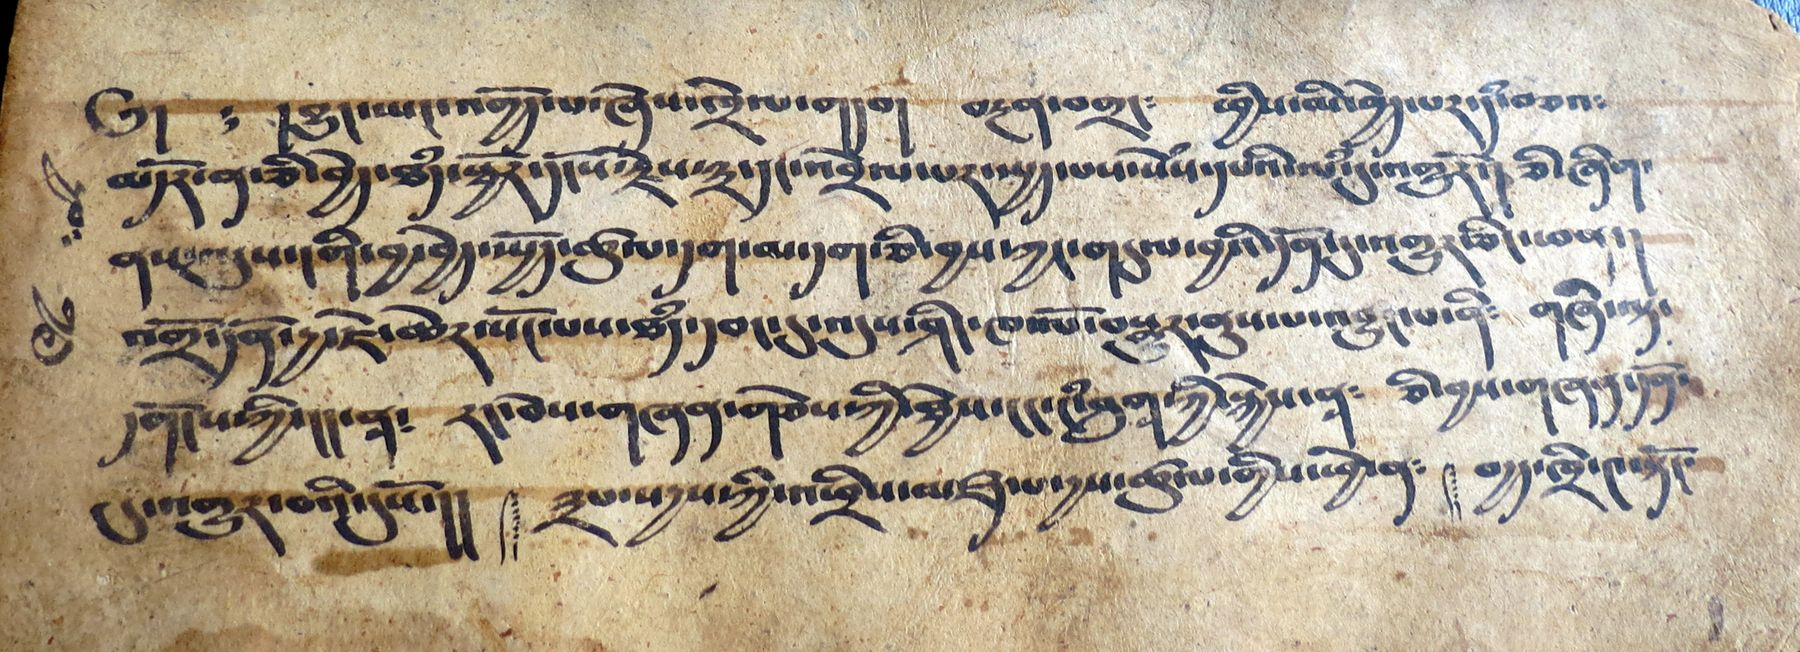བྱུང་ཡང་། འགྱོད་པས་ཞེ་ཁྲེལ་གདབ། མངན་བགྲངས། ཕྱིས་མི་བྱེད་པར་དམ་འཆའ། 
མདོར་ན་ཅི་བྱེད་ཐམས་ཅད་སྦྱོར་དངོས་རྗེས་གསུམ་དང་འབྲེལ་བར་སྤྱད། སེམས་དཔའི་ལམ་དུ་འགྱུར་རོ། ཇི་ཞིག་
ནས་ལུས་ངག་གི་བྱ་བྱེད་སྤྱོད་ཚུལ། དག་མ་དག་ཅི་བྱས་ཀྱང་གདུལ་བྱའི་དོན་དུ་འགྱུར་ཅིང་ཕན། 
འགྲོ་དོན་རྒྱ་ཇེ་ཆེ་ཇེ་ཆེར་སོང་བས་ཐམས་ཅད་དབང་དུ་འདུས་ཤིང་། བློ་ཁ་སྒྱུར་ནུས་པ་འབྱུང་བ་ནི། གཞི་ལྟ་
དགོངས་ཀྱི་ངང་ནས། རང་བས་གཞན་གཅེས་ཀྱི་ཐུགས་རྗེ་ངང་ངམ་ཤུགས་ཀྱིས་སྐྱེས་ནས། ཅི་བྱས་གཞན་དོན་
དུ་འགྱུར་བའི་དུས་སོ། ། གསུམ་པ་སངས་རྒྱས་ཀྱི་འཕྲིན་ལས་ལ། མཛད་པ་རྒྱས་ཚུལ་གྱི་སྒོ་ནས་ཕྱེ་ན། བརྒྱད་ཁྲི་བཞི་སྟོང་།